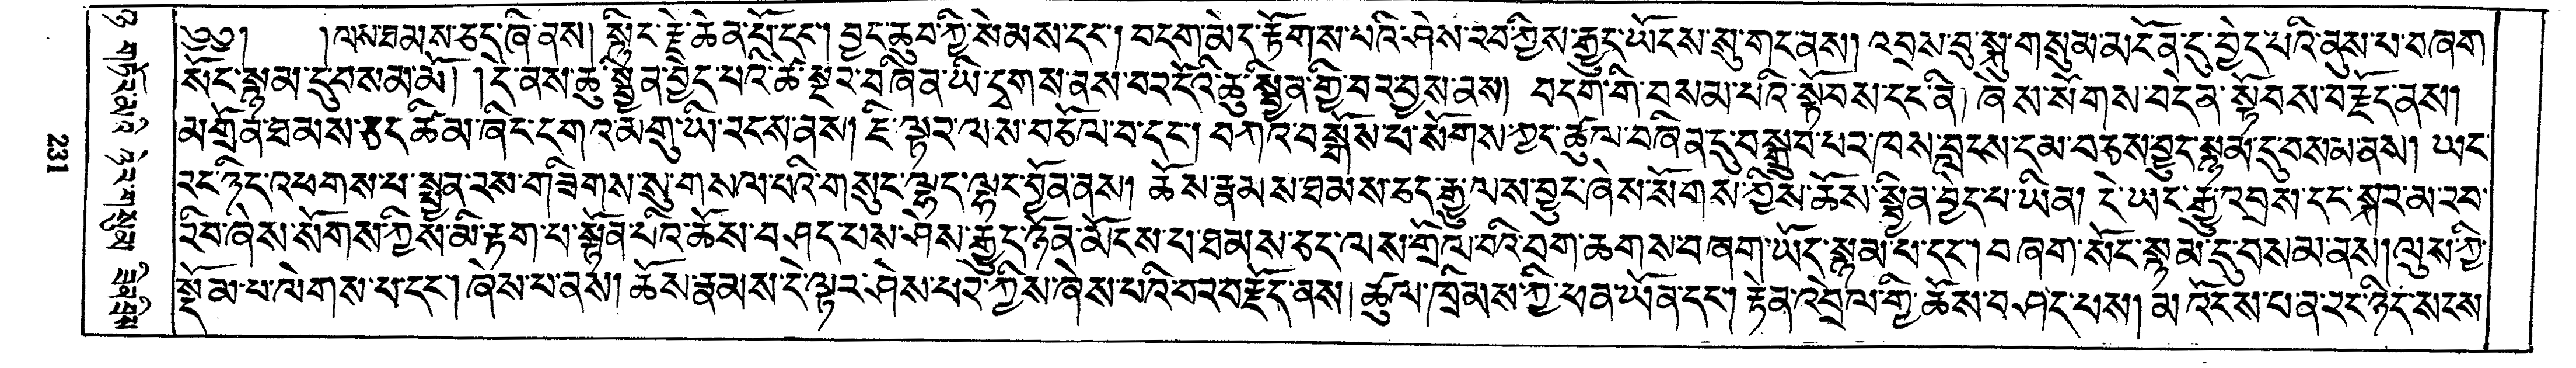༄༅། །ལས་ཐམས་ཅད་ཞི་ནས། སྙིང་རྗེ་ཆེན་པོ་དང་། བྱང་ཆུབ་ཀྱི་སེམས་དང་། བདག་མེད་རྟོགས་པའི་ཤེས་རབ་ཀྱིས་རྒྱུད་ཡོངས་སུ་གང་ནས། འབྲས་བུ་སྐུ་གསུམ་མངོན་དུ་བྱེད་པའི་ནུས་པ་བཞག་
སོང་སྙམ་དུ་བསམ་མོ། །དེ་ནས་ཆུ་སྦྱིན་བྱེད་པའི་ཚེ་སྔར་བཞིན་ཡི་དྭགས་ནས་བར་དོའི་ཆུ་སྦྱིན་གྱི་བར་བྱས་ནས། བདག་གི་བསམ་པའི་སྟོབས་དང་ནི། ཞེས་སོགས་བདེན་སྟོབས་བརྗོད་ནས།
མགྲོན་ཐམས་ཅད་ཚིམ་ཞིང་དགའ་མགུ་ཡི་རངས་ནས། ཇི་ལྟར་ལས་བཅོལ་བ་དང་། བཀའ་བསྒོས་པ་སོགས་ཀྱང་ཚུལ་བཞིན་དུ་བསྒྲུབ་པར་ཁས་བླངས་དམ་བཅས་བྱུང་སྙམ་དུ་བསམ་ནས། ཡང་
རང་ཉིད་འཕགས་པ་སྤྱན་རས་གཟིགས་སུ་གསལ་བའི་གསུང་ལྷང་ལྷང་བྱོན་ནས། ཆོས་རྣམས་ཐམས་ཅད་རྒྱུ་ལས་བྱུང་ཞེས་སོགས་ཀྱིས་ཆོས་སྦྱིན་བྱེད་པ་ཡིན། དེ་ཡང་རྒྱུ་འབྲས་དང་སྐར་མ་རབ་
རིབ་ཞེས་སོགས་ཀྱིས་མི་རྟག་པ་སྟོན་པའི་ཆོས་བཤད་པས་ཤེས་རྒྱུད་ཉོན་མོངས་པ་ཐམས་ཅད་ལས་གྲོལ་བའི་བག་ཆགས་བཞག་ཡོད་སྙམ་བ་དང་། བཞག་སོང་སྙམ་དུ་བསམ་ནས། ལུས་ཀྱི་
སྡོམ་པ་ལེགས་པ་དང་། ཞེས་པ་ནས། ཆོས་རྣམས་དེ་ལྟར་ཤེས་པར་གྱིས་ཞེས་པའི་བར་བརྗོད་ནས། ཚུལ་ཁྲིམས་ཀྱི་ཕན་ཡོན་དང་། རྟེན་འབྲེལ་གྱི་ཆོས་བཤད་པས། མ་འོད་ས་པ་ན་རང་ཉིད་སངས་